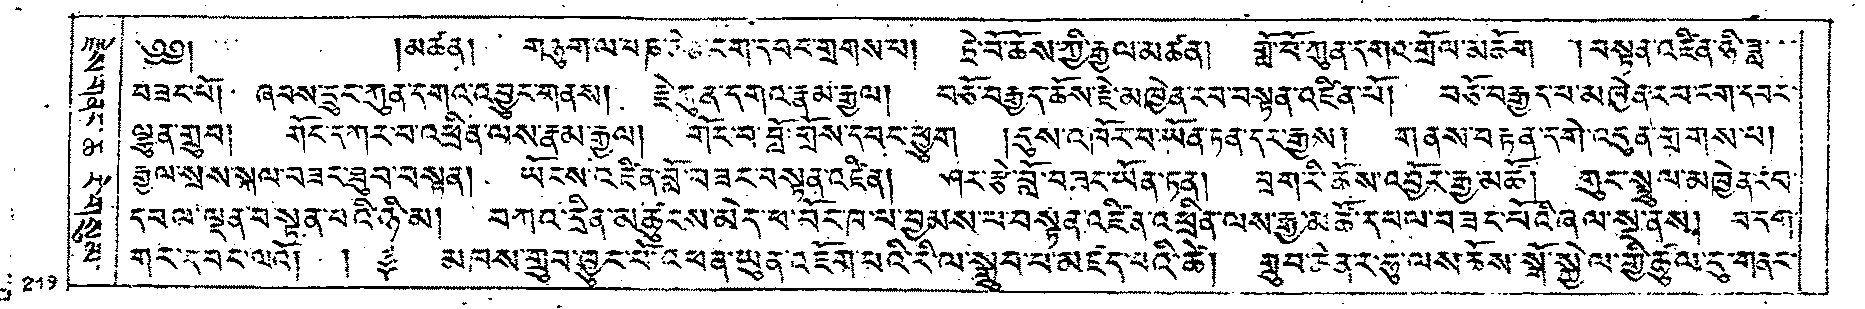༄༅། །མཚན། གཉུག་ལ་པཎ་ཆེན་ངག་དབང་གྲགས་པ། ཏྲེ་བོ་ཆོས་ཀྱི་རྒྱལ་མཚན། གློ་བོ་ཀུན་དགའ་གྲོལ་མཆོག །བསྟན་འཛིན་ཉི་ཟླ་
བཟང་པོ། ཞབས་དྲུང་ཀུན་དགའ་འབྱུང་གནས། རྗེ་ཀུན་དགའ་རྣམ་རྒྱལ། བཅོ་བརྒྱད་ཆོས་རྗེ་མཁྱེན་རབ་བསྟན་འཛིན་པོ། བཅོ་བརྒྱད་པ་མཁྱེན་རབ་ངག་དབང་
ལྷུན་གྲུབ། གོང་དཀར་བ་འཕྲིན་ལས་རྣམ་རྒྱལ། གོང་བ་བློ་གྲོས་དབང་ཕྱུག །དུས་འཁོར་བ་ཡོན་ཏན་དར་རྒྱས། གནས་བརྟན་དགེ་འདུན་གྲགས་པ།
རྒྱལ་སྲས་སྐལ་བཟང་ཐུབ་བསྟན། ཡོངས་འཛིན་བློ་བཟང་བསྟན་འཛིན། ཤར་རྩེ་བློ་བཟང་ཡོན་ཏན། བྲག་རི་ཆོས་འབྱོར་རྒྱ་མཚོ། གུང་སྤྲུལ་མཁྱེན་རབ་
དཔལ་ལྡན་བསྟན་པའི་ཉི་མ། བཀའ་དྲིན་མཚུངས་མེད་ཕ་བོང་ཁ་པ་བྱམས་པ་བསྟན་འཛིན་འཕྲིན་ལས་རྒྱ་མཚོ་དཔལ་བཟང་པོའི་ཞལ་སྔ་ནས། བདག་
གར་དབང་ལའོ། །༈ མཁས་གྲུབ་ཁྱུང་པོ་འཕན་ཡུན་འཇོག་པའི་རི་ལ་སྒྲུབ་པ་མཛད་པའི་ཚེ། གྲུབ་ཆེན་ར་ཧུ་ལས་ཆོས་སྒོ་སྐྱེལ་གྱི་ཚུལ་དུ་གནང་